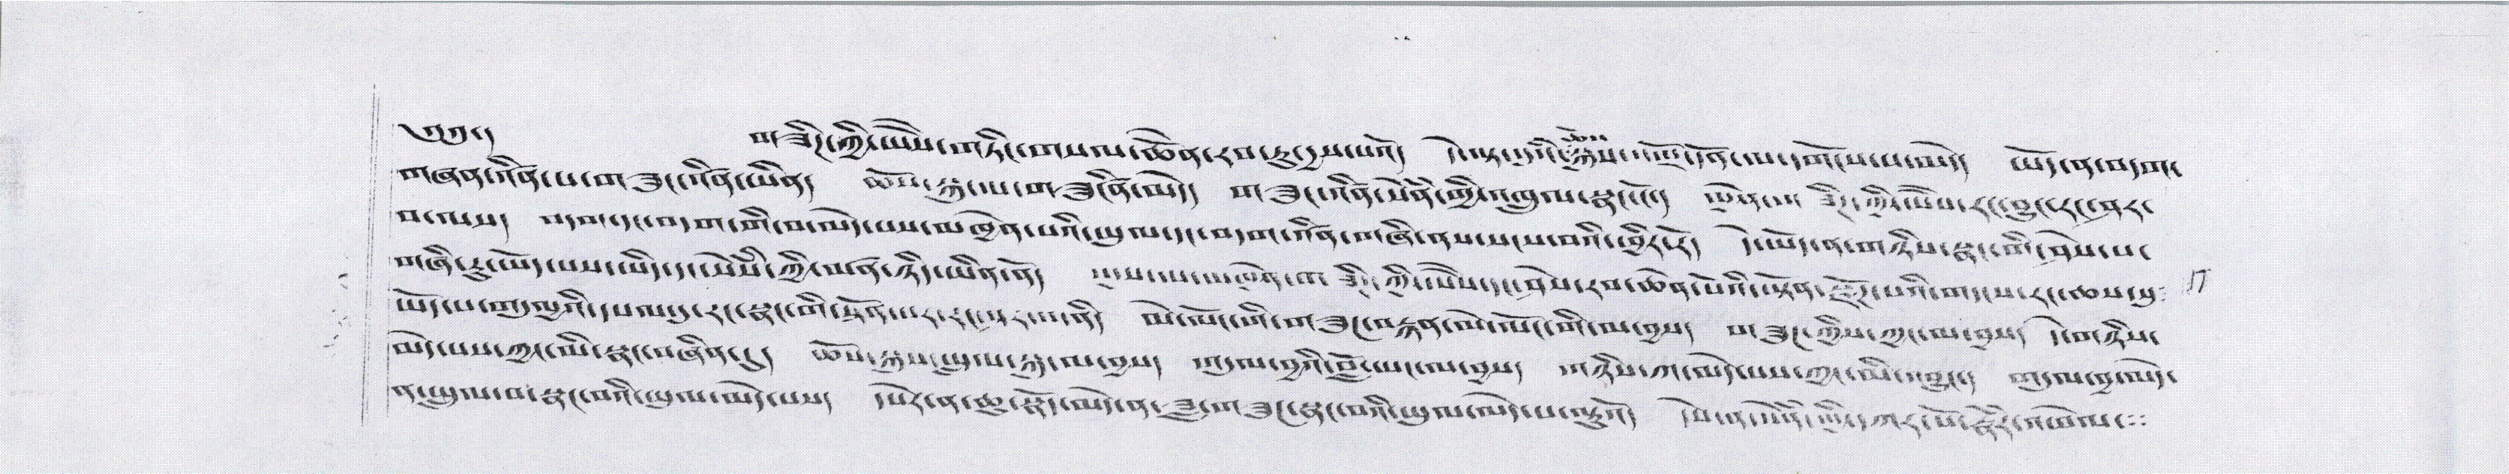གཟིགས་ཀྱི་ཡེ་ཤེས་གཏིང་གསལ་ཆེན་པོ་རབ་ཏུ་རྒྱས་པའོ། དེ་ལྟ་བུའི་ཆོས་སྐུས་འགྲོ་དོན་ལ་དགོངས་པ་མེད། ཡོད་ན་བདག་
གཞན་འཛིན་པ་གཟུང་འཛིན་ཡིན། ཆོས་སྐུ་ལ་གཟུང་འཛིན་མེད། གཟུང་འཛིན་སེམས་ཅན་གྱི་འཁྲུལ་སྣང་ངོ། མཁྱེན་གཟིགས་ཀྱི་ཡེ་ཤེས་རང་བྱུང་རང་ཤར་
བ་ལས། བདག་དང་བདག་གི་བ་མེད་པས་མཁྱེན་པའི་ཡུལ་དང་བདག་འཛིན་གཞི་ནས་སངས་བའི་ཕྱིར་རོ། དེ་ཡོད་ན་གཉིས་སྣང་གི་ཤེས་པ་
གཞི་རུ་ཡོད་པས་ཡིད་དང་སེམས་ཀྱི་མཚན་ཉིད་ཡིན་ནོ། སངས་རྒྱས་ལ་མཁྱེན་གཟིགས་ཀྱི་ཡེ་ཤེས་དང་ཤེས་རབ་ཆེན་པོའི་ཡོན་ཏན་རྫོགས་པའི་གདངས་རང་ཆས་སུ་
ཡོད་པ་གདུལ་བྱའི་དཔལ་དུ་རང་སྣང་གི་སྟོན་པར་རང་ཤར་བ་ནི། མེ་ལོང་གི་གཟུགས་བརྙན་མེ་ལོང་གི་མ་བྱས། གཟུགས་ཀྱིས་ཀྱང་མ་བྱས། དེ་གཉིས་
མེད་པས་ཀྱང་མི་སྣང་བཞིན་དུ། ཆོས་སྐུས་སྤྲུལ་སྐུ་ལ་བྱས། གདུལ་བྱའི་བློ་ཡང་མ་བྱས། གཉིས་ཀ་མེད་པས་ཀྱང་མི་འབྱུང། གདུལ་བྱ་མེད་
ན་སྤྲུལ་པ་སྣང་བའི་ཡུལ་མེད་པས། དཔེར་ན་ཆུ་སྣོད་མེད་ན་ཟླ་གཟུགས་སྣང་བའི་ཡུལ་མེད་པ་ལྟ་བུའོ། དེས་ན་སེམས་ཅན་གྱི་དཀར་པོ་རྣམ་པར་འཕེལ་